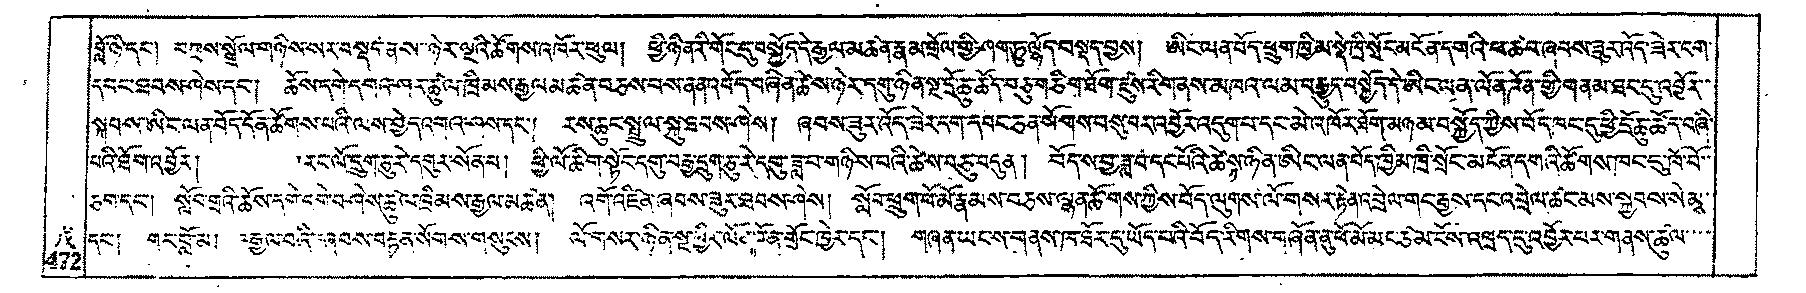བློ་ཉི་དང་། བཀྲས་སྒྲོལ་གཉིས་སར་བསྡད་ནས་ཉེར་ལྔའི་ཚོགས་འཁོར་ཕུལ། ཕྱི་ཉིན་རི་གོང་དུ་བསྐྱོད་དེ་རྒྱལ་མཚན་རྣམ་གྲོལ་གྱི་ཤག་ཏུ་ལྷོད་བསྡད་བྱས། ཨིང་ལན་བོད་ཕྲུག་ཁྱིམ་སྡེ་ཁྲི་སྲོང་མངོན་དགའི་ཕ་ཚབ་ཞབས་ཟུར་འོད་ཟེར་ངག་
དབང་ཐབས་ཤེས་དང་། ཆོས་དགེ་དགའ་ཤར་ཚུལ་ཁྲིམས་རྒྱལ་མཚན་བཅས་པས་ནན་འབོད་བཞིན་ཚེས་ཉེར་དགུ་ཉིན་སྔ་དྲོ་ཆུ་ཚོད་བཅུ་གཅིག་ཐོག་ཛུས་རིག་ནས་མཁའ་ལམ་བརྒྱུད་བསྐྱོད་དེ་ཨིང་ལན་ལོན་ཌོན་གྱི་གནམ་ཐང་དུ་འབྱོར་
སྐབས་ཨིང་ལན་བོད་དོན་ཚོགས་པའི་ལས་བྱེད་འགའ་ཤས་དང་། རས་ཆུང་སྤྲུལ་སྐུ་ཐབས་ཤེས། ཞབས་ཟུར་འོད་ཟེར་ངག་དབང་ཅན་སོགས་བསུ་བར་འབྱོར་འདུག་པ་དང་མེ་འཁོར་ཐོག་མཉམ་བསྐྱོད་ཀྱིས་བོད་ཁང་དུ་ཕྱི་དྲོ་ཆུ་ཚོད་བཞི་
པའི་ཐོག་འབྱོར། །རང་ལོ་དྲུག་ཅུ་རེ་དགུར་སོན་པ། ཕྱི་ལོ་ཆིག་སྟོང་དགུ་བརྒྱ་དྲུག་ཅུ་རེ་དགུ་ཟླ་བ་གཉིས་པའི་ཚེས་བཅུ་བདུན། བོད་ས་བྱ་ཟླ་བ་དང་པོའི་ཚེས ༡་ཉིན་ཨིང་ལན་བོད་ཁྱིམ་ཁྲི་སྲོང་མངོན་དགའི་ཚོགས་ཁང་དུ་ཁོ་བོ་
ཅག་དང་། སློབ་གྲའི་ཆོས་དགེ་དགེ་བཤེས་ཚུལ་ཁྲིམས་རྒྱལ་མཚན། འགོ་འཛིན་ཞབས་ཟུར་ཐབས་ཤེས། སློབ་ཕྲུག་ཕོ་མོ་རྣམས་བཅས་ལྷན་ཚོགས་ཀྱིས་བོད་ལུགས་ལོ་གསར་རྟེན་འབྲེལ་གང་རྒྱས་དང་འབྲེལ་ཚང་མས་སྐྱབས་སེམས་
དང་། གང་བློ་མ། ༧རྒྱལ་བའི་༧ཞབས་བརྟན་སོགས་གསུངས། ལོ་གསར་ཉིན་སྔ་ཕྱིར་ལོན་ཌོན་གྲོང་ཁྱེར་དང་། གཞན་ཡང་ས་གནས་ཁ་ཐོར་དུ་ཡོད་པའི་བོད་རིགས་གཞོན་ནུ་ཕོ་མོ་མང་ཙམ་ངོས་འཕྲད་དུ་འབྱོར་པར་གནས་ཚུལ་